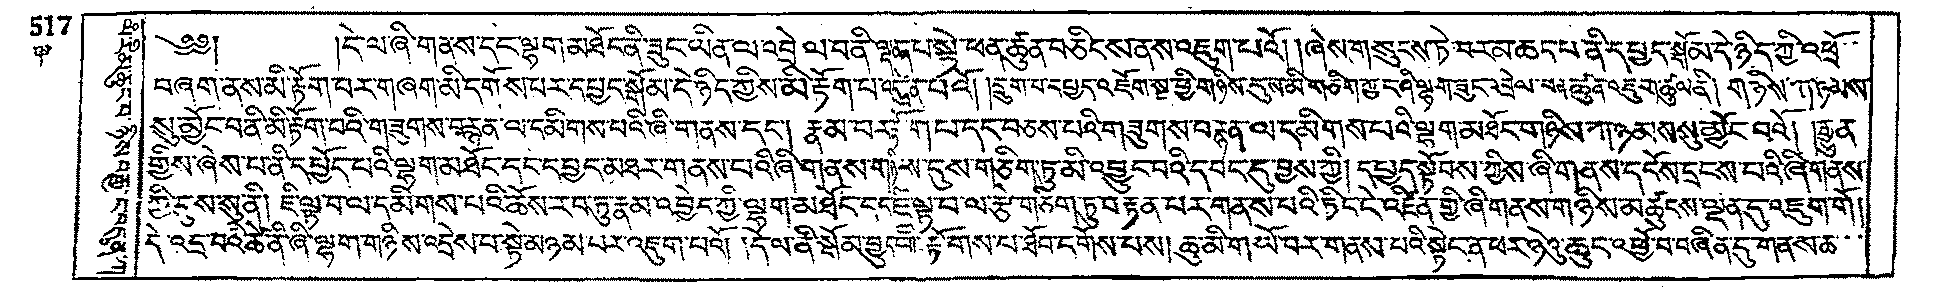༄༅། །དེ་ལ་ཞི་གནས་དང་ལྷག་མཐོང་ནི་ཟུང་ཡིན་ལ་འབྲེལ་བ་ནི་ལྡན་པ་སྟེ་ཕན་ཚུན་བཅིངས་ནས་འཇུག་པའོ། །ཞེས་གསུངས་ཏེ་བར་མ་ཆད་པ་ནི་དཔྱད་སྒོམ་དེ་ཉིད་ཀྱི་འཕྲོ་
བཞག་ནས་མི་རྟོག་པར་གཞག་མི་དགོས་པར་དཔྱད་སྒོམ་དེ་ཉིད་ཀྱིས་མི་རྟོག་པ་འདྲེན་པའོ། །དྲུག་པ་དཔྱད་འཇོག་སྔ་ཕྱི་གཉིས་དུས་མི་གཅིག་ཀྱང་ཤི་ལྷ་གཟུང་འབྲེལ་ཕན་ཚུན་འཇུག་ཚུལ་ནི།  གཉིས་ཀ་ཉམས་
སུ་མྱོང་བ་ནི་མི་རྟོག་པའི་གཟུགས་བརྙན་ལ་དམིགས་པའི་ཞི་གནས་དང་། རྣམ་པར་རྟོག་པ་དང་བཅས་པའི་གཟུགས་བརྙན་ལ་དམིགས་པའི་ལྷག་མཐོང་གཉིས་ཀ་ཉམས་སུ་མྱོང་བའོ། །རྒྱུན་
གྱིས་ཞེས་པ་ནི་དཔྱོད་པའི་ལྷག་མཐོང་དང་དཔྱད་མཐར་གནས་གནས་པའི་ཞི་གནས་གཉིས་དུས་གཅིག་ཏུ་མི་འབྱུང་བའི་དབང་དུ་བྱས་ཀྱི། དཔྱད་སྟོབས་ཀྱིས་ཞི་གནས་དངོས་དྲངས་པའི་ཞི་གནས་
ཀྱི་དུས་སུ་ནི། ཇི་ལྟ་བ་ལ་དམིགས་པའི་ཆོས་རབ་ཏུ་རྣམ་འབྱེད་ཀྱི་ལྷག་མཐོང་དང་ཇི་ལྟ་བ་ལ་རྩེ་གཅིག་ཏུ་བརྟན་པར་གནས་པའི་ཏིང་ངེ་འཛིན་གྱི་ཞི་གནས་གཉིས་མཚུངས་ལྡན་དུ་འཇུག་གོ།
དེ་འདྲ་བའི་ཚེ་ནི་ཞི་ལྷག་གཉིས་འདྲེས་པ་སྟེ་མཉམ་པར་འཇུག་པའོ། །དེ་ལ་ནི་སྒོམ་བྱུང་གི་རྟོགས་པ་ཐོབ་དགོས་པས། ཆུ་མི་གཡོ་བར་གནས་པའི་སྟེང་ན་ཕར་ཉེའུ་ཆུང་འཕྱོ་བ་བཞིན་དུ་གནས་ཆ་